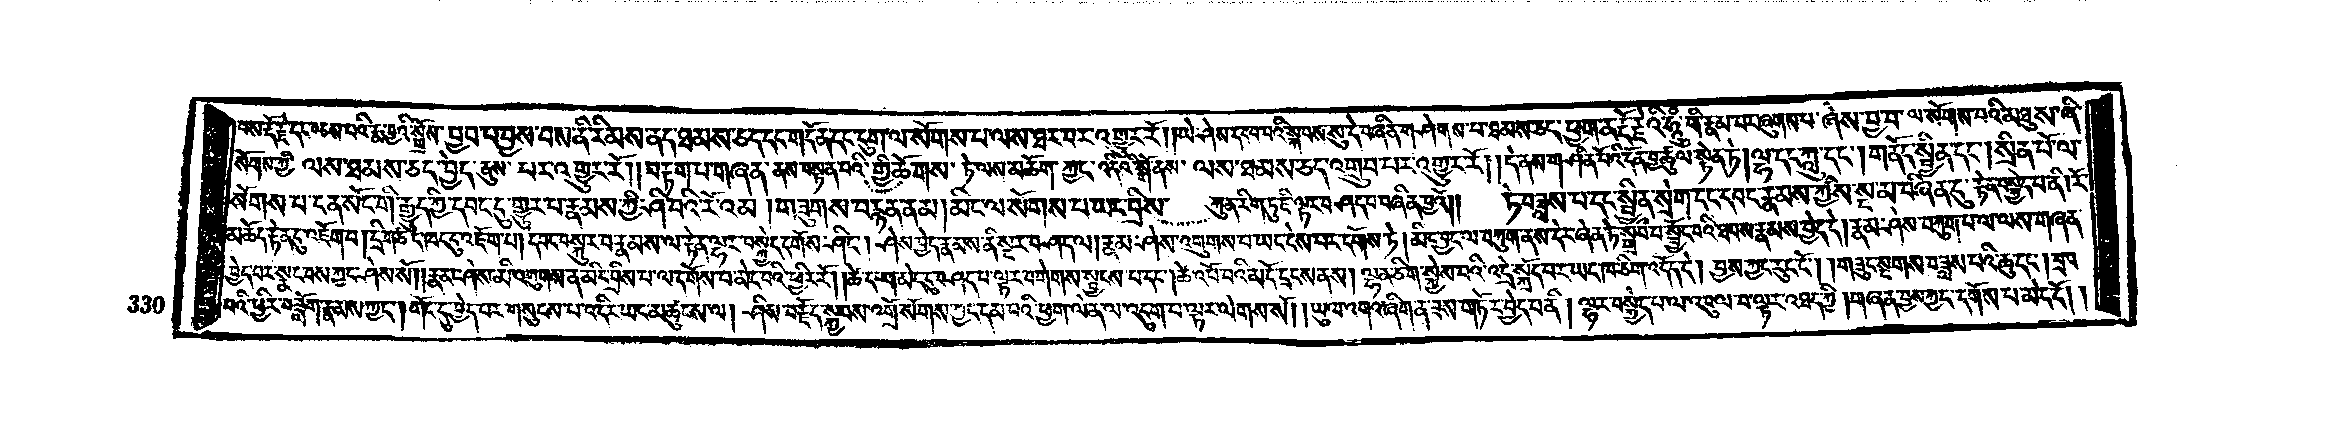བས་རྡོ་རྗེ་དང་བཅས་བའི་རྨ་བྱའི་སྒྲོས་བྱད་?་པ་བྱས་པས་ནི་རིམས་ནད་ཐམས་ཅད་དང་གདོན་དང་དུག་ལ་སོགས་པ་ལས་ཐར་བར་འགྱུར་རོ། །ཡེ་ཤེས་དབབ་པའི་སྐབས་སུ་དེ་བཞིན་གཤེགས་པ་ཐམས་ཅད་ཕྱག་ན་རྡོ་རྗེའི་ཧཱུཾ་གི་རྣམ་པར་ཞུགས་པ་ཞེས་བྱ་བ་ལ་སོགས་པའི་མཐུས་ཞི་
སོགས་ཀྱི་ལས་ཐམས་ཅད་བྱེད་ནུས་པར་འགྱུར་རོ། །བརྟག་པ་གཞན་ནས་བསྟན་པའི་གྱི་ཆོ་གས་ཏེ་ལས་མཆོག་ཀྱང་འདིའི་སྒོ་ནས་ལས་ཐམས་ཅད་འགྲུབ་པར་འགྱུར་རོ། །དེ་ནས་གཤིན་པོའི་དོན་བྱ་ཚུལ་སྟེན་ཏེ། ལྷ་དང་ཀླུ་དང་། གནོད་སྦྱིན་དང་། སྲིན་པོ་ལ་
སོགས་པ་ངན་སོང་གི་རྒྱུད་ཀྱི་དབང་དུ་གྱུར་པ་རྣམས་ཀྱི་ཤི་བའི་རོ་འམ། གཟུགས་བརྙན་ནམ། མིང་ལ་སོགས་པ་ཡང་བྲིས་ཀུན་རིག་ཏུ་ཇི་ལྟར་བཤད་པ་བཞིན་བྱའོ། །ཏེ་བཟླས་པ་དང་སྦྱིན་སྲེག་དང་དབང་རྣམས་ཀྱིས་སྔ་མ་བཞིན་དུ་རྟེན་བསྐྱེད་པ་ནི། རོ་
མཆོད་རྟེན་དུ་འཇོག་པ། དྲི་གཙང་ཁང་དུ་འཇོག་པ། དབང་བསྐུར་བ་རྣམས་ལ་རྟེན་ལྷར་བསྐྱེད་དགོས་ཤིང་། ཤེས་བྱེད་རྣམས་ནི་སྔར་བཤད་ལ། རྣམ་ཤེས་འགུགས་པ་ཡང་ངེས་པར་དགོས་ཏེ། མིང་བྱང་ལ་བཀུག་ནས་དེར་ཞེན་ཏེ་སྒྲིབ་པ་སྦྱོང་བའི་ཐབས་རྣམས་བྱེད་དེ། རྣམ་ཤེས་བཀུག་པ་ལ་ལས་གཞན་
བྱེད་པར་སྣང་བས་ཀྱང་ཤེས་སོ། །རྣམ་ཤེས་མི་འགུགས་ན་མིང་བྲིས་པ་ལ་དགོས་པ་མེད་པའི་ཕྱིར་རོ། །ཚེ་དཔག་མེད་དུ་བཤད་པ་ལྟར་བགེགས་སྦྱངས་པ་དང་། ཚེ་འཕོ་བའི་མདོ་དྲངས་ནས། ལྷན་ཅིག་སྐྱེས་བའི་འདྲེ་སྐྲོད་པར་ཡང་ཁ་ཅིག་འདོད་དེ། བྱས་ཀྱང་རུང་ངོ། །གཟུང་སྔགས་བཟླས་པའི་ཆུ་དང་། བྲབ་
པའི་ཕྱིར་བཟློག་རྣམས་ཀྱང་། གོང་དུ་བྱེད་པར་གསུངས་པ་འདིར་ཡང་མཚུངས་ལ། ཤིས་བརྗོད་སྐྱབས་འགྲོ་སོགས་ཀྱང་དམ་པའི་ཕྱག་ལེན་ལ་འདུག་པ་ལྟར་ལེགས་སོ། །ཡུལ་འགའ་ཞིག་ན་ཟས་གཏོར་བྱེད་པ་ནི། ལྷར་བསྐྱེད་པ་ལ་འདུལ་བ་ལྟར་འཐད་ཀྱི། གཞན་བྱས་ཀྱང་དགོས་པ་མེད་དོ། །